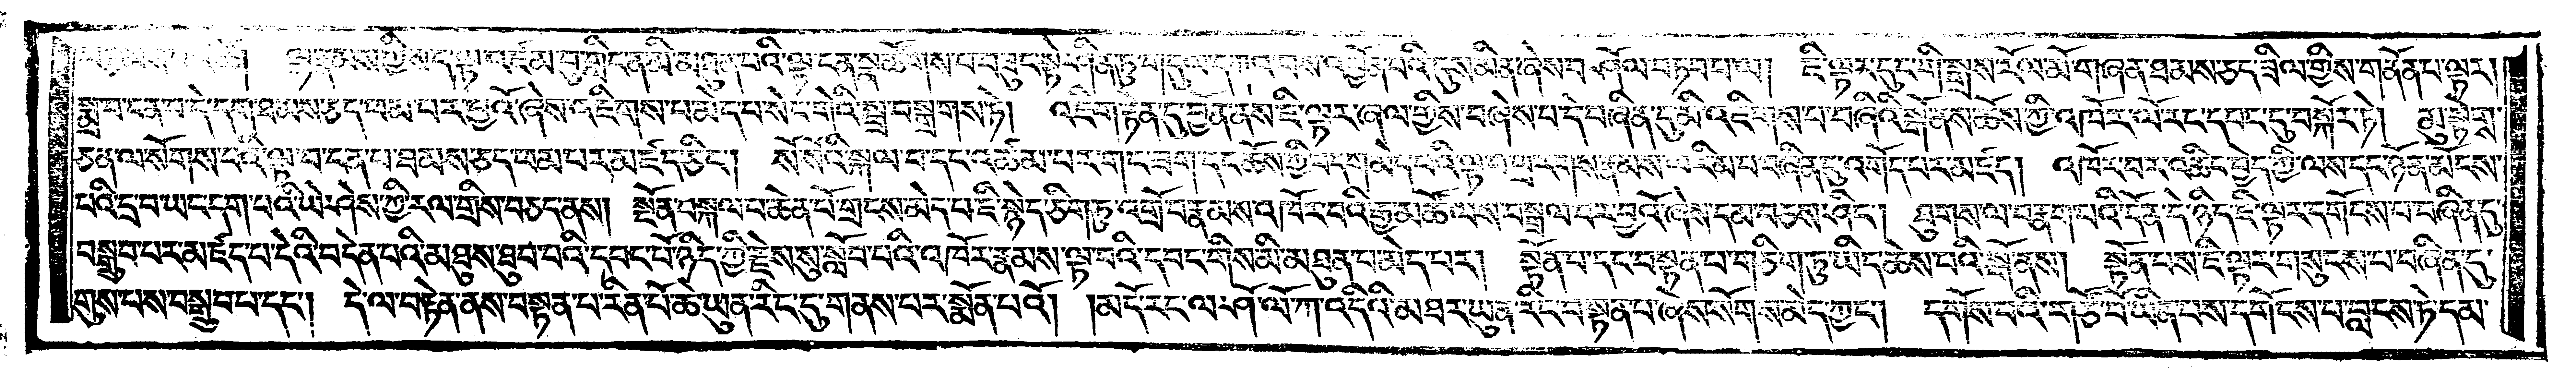བརྩམས་པའི་ཚེ། ལྷ་རྣམས་ཀྱི་སད་ལྟ་འཛམ་བུ་གླིང་ན་མི་མཐུན་པའི་ལྟ་ངན་སྣ་ཚོགས་པ་བཟུང་སྟེ་ཤིན་ཏུ་གདུལ་དཀའ་བས་འབྱོན་པའི་དུས་མིན་ཞེས་བཤོལ་བཏབ་པ་ལ། ཇི་ལྟར་དུང་གི་སྒྲས་རོལ་མོ་གཞན་ཐམས་ཅད་ཟིལ་གྱིས་གནོན་པ་ལྟར།
སྨྲ་བ་ངན་པ་དེ་དག་ཐམས་ཅད་བམ་པར་བྱའོ་ཞེས་འཇིགས་པ་མེད་པ་སེང་གེའི་སྒྲ་བསྒྲགས་ཏེ། འཇིག་རྟེན་དུ་བྱོན་ནས་ཇི་ལྟར་ཞལ་གྱིས་བཞེས་པ་དེ་བཞིན་དུ་མི་འཇིགས་པར་ཞིའི་སྒོ་ནས་ཆོས་ཀྱི་འཁོར་ལོ་རང་དབང་དུ་བསྐོར་ཏེ། མུ་སྟེགས་
ཅན་ལ་སོགས་པའི་ལྟ་བ་ངན་པ་ཐམས་ཅད་ཕམ་པར་མཛད་ཅིང་། སོ་སོའི་སྐལ་པ་དང་འཚམ་པར་གང་ཟག་དང་ཆོས་ཀྱི་བདག་མེད་པའི་ལྟ་བ་ཕྲ་རགས་རྣམས་ལ་རིམ་པ་བཞིན་དུ་འགོད་པར་མཛད། འཁོར་བར་འཆིང་བྱེད་ཀྱི་ལས་དང་ཉོན་མོངས་
པའི་དྲི་བ་ཡང་དག་པའི་ཡེ་ཤེས་ཀྱི་རལ་གྲིས་བཅད་ནས། སྔོན་བསྐལ་བ་ཆེན་པོ་གྲངས་མེད་པ་ཇི་སྙེད་ཅིག་ཏུ་འགྲོ་བ་རྣམས་འཁོར་བའི་རྒྱ་མཚོ་ལས་བསྒྲལ་བར་བྱའོ་ཞེས་དམ་བཅས་ཤིང་། ཐུགས་ལ་བ་རྣག་པའི་དོན་དེ་ཉིད་ཇི་ལྟར་དགོངས་པ་བཞིན་དུ་
བསྒྲུབ་པར་མཛད་པ་དེའི་བདེན་པའི་མཐུས་ཐུབ་པའི་དབང་པོ་ཉིད་ཀྱི་རྗེས་སུ་སློབ་པའི་འཁོར་རྣམས་ལྟ་བའི་དབང་གིས་མི་མཐུན་པ་མེད་པར། སྟོན་པ་དང་བསྟན་པ་གཅིག་ཏུ་ཡིད་ཆེས་བའི་སྒོ་ནས། སྟོན་པས་ཇི་ལྟར་གསུངས་པ་བཞིན་དུ་
གུས་པས་བསྒྲུབ་པ་དང་། དེ་ལ་བརྟེན་ནས་བསྟན་པ་རིན་པོ་ཆེ་ཡུན་རིང་དུ་གནས་པར་སྨོན་པའོ། །མདོ་རང་ལ་ཤོ་ལོ་ཀ་འདིའི་མཐར་ཡུན་རིང་བསྟན་པ་ཞེས་སོགས་མེད་ཀྱང་། དགོས་པའི་གཙོ་བོ་ཡིན་པས་དགོངས་པ་བླངས་ཏེ་དམ་